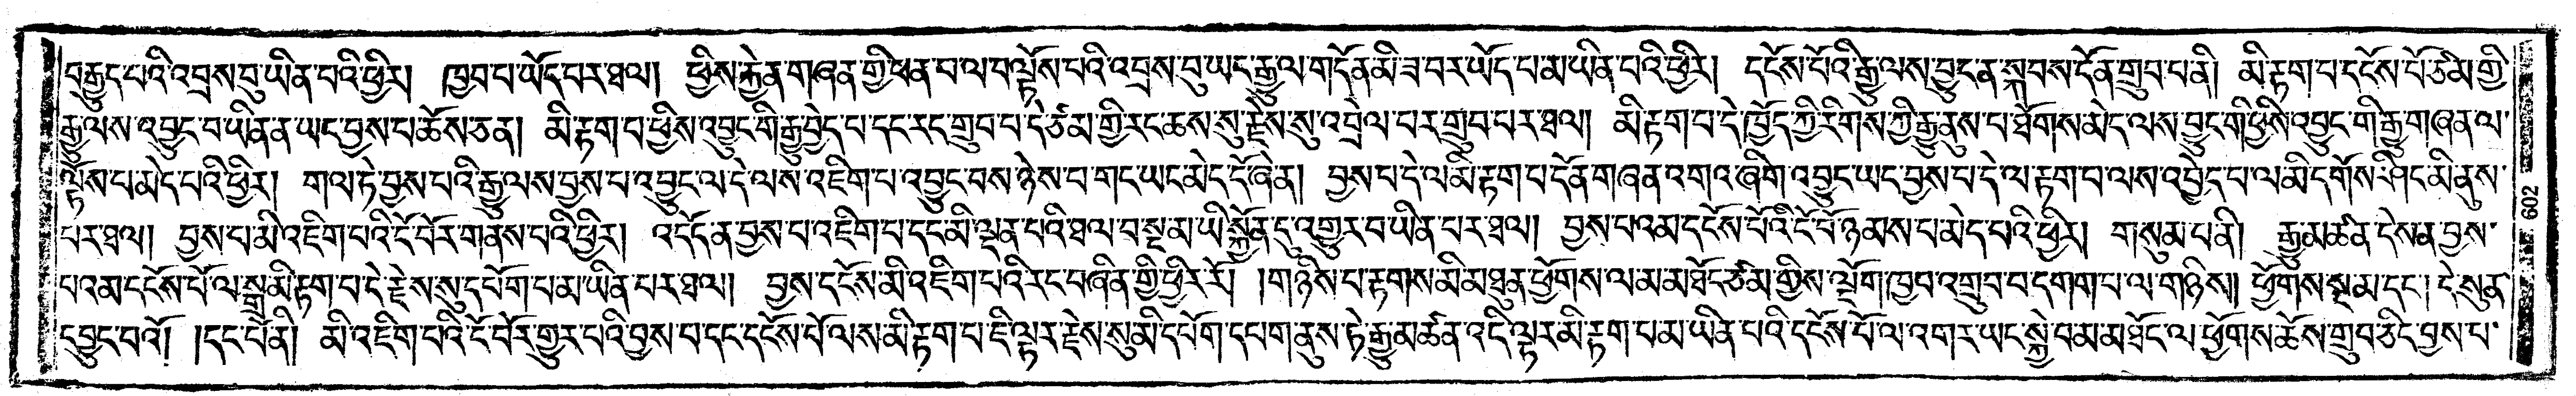བརྒྱུད་པའི་འབྲས་བུ་ཡིན་པའི་ཕྱིར། ཁྱབ་པ་ཡོད་པར་ཐལ། ཕྱིས་རྐྱེན་གཞན་གྱི་ཕན་པ་ལ་བལྟོས་པའི་འབྲས་བུ་ཡང་རྒྱུ་ལ་གདོན་མི་ཟ་བར་ཡོད་པ་མ་ཡིན་པའི་ཕྱིར། དངོས་པོའི་རྒྱུ་ལས་བྱུང་ན་སྐབས་དོན་གྲུབ་པ་ནི། མི་རྟག་པ་དངོས་པོ་ཙམ་གྱི་
རྒྱུ་ལས་འབྱུང་བ་ཡིན་ན་ཡང་བྱས་པ་ཆོས་ཅན། མི་རྟག་པ་ཕྱིས་འབྱུང་གི་རྒྱུ་བྱེད་པ་དག་རང་གྲུབ་པ་དེ་ཙམ་གྱི་རང་ཆས་སུ་རྗེས་སུ་འབྲེལ་པར་གྲུབ་པར་ཐལ། མི་རྟག་པ་དེ་ཁྱོད་ཀྱི་རིགས་ཀྱི་རྒྱུ་ནུས་པ་ཐོགས་མེད་ལས་བྱུང་གི་ཕྱིས་འབྱུང་གི་རྒྱུ་གཞན་ལ་
ལྟོས་པ་མེད་པའི་ཕྱིར། གལ་ཏེ་བྱས་པའི་རྒྱུ་ལས་བྱས་པ་འབྱུང་ལ་དེ་ལས་འཇིག་པ་འབྱུང་བས་ཉེས་པ་གང་ཡང་མེད་དོ་ཞེ་ན། བྱས་པ་དེ་ལ་མི་རྟག་པ་དོན་གཞན་འགའ་ཞིག་འབྱུང་ཡང་བྱས་པ་དེ་ལ་རྟག་པ་ལས་འབྱེད་པ་ལ་མི་དགོས་ཤིང་མི་ནུས་
པར་ཐལ། བྱས་པ་མི་འཇིག་པའི་ངོ་བོར་གནས་པའི་ཕྱིར། འདོད་ན་བྱས་པ་འཇིག་པ་དང་མི་ལྡན་པའི་ཐལ་བ་སྔ་མ་ཡི་སྐྱོན་དུ་འགྱུར་བ་ཡིན་པར་ཐལ། བྱས་པའམ་དངོས་པོའི་ངོ་བོ་ཉམས་པ་མེད་པའི་ཕྱིར། གསུམ་པ་ནི། རྒྱུ་མཚན་དེས་ན་བྱས་
པའམ་དངོས་པོ་ལ་སྒྲ་མི་རྟག་པ་དེ་རྗེས་སུ་དཔོག་པ་མ་ཡིན་པར་ཐལ། བྱས་དངོས་མི་འཇིག་པའི་རང་བཞིན་གྱི་ཕྱིར་རོ། །གཉིས་པ་རྟགས་མི་མཐུན་ཕྱོགས་ལ་མ་མཐོང་ཙམ་གྱིས་ལྡོག་ཁྱབ་འགྲུབ་པ་དགག་པ་ལ་གཉིས། ཕྱོགས་སྔ་མ་དང་། དེ་སུན་
དབྱུང་བའོ། །དང་པོ་ནི། མི་འཇིག་པའི་ངོ་བོར་གྱུར་པའི་བྱས་པ་དང་དངོས་པོ་ལས་མི་རྟག་པ་ཇི་ལྟར་རྗེས་སུ་མི་དཔོག་དཔག་ནུས་ཏེ་རྒྱུ་མཚན་འདི་ལྟར་མི་རྟག་པ་མ་ཡིན་པའི་དངོས་པོ་ལ་འགར་ཡང་སྐྱེ་བ་མ་མཐོང་ལ་ཕྱོགས་ཆོས་གྲུབ་ཅིང་བྱས་པ་